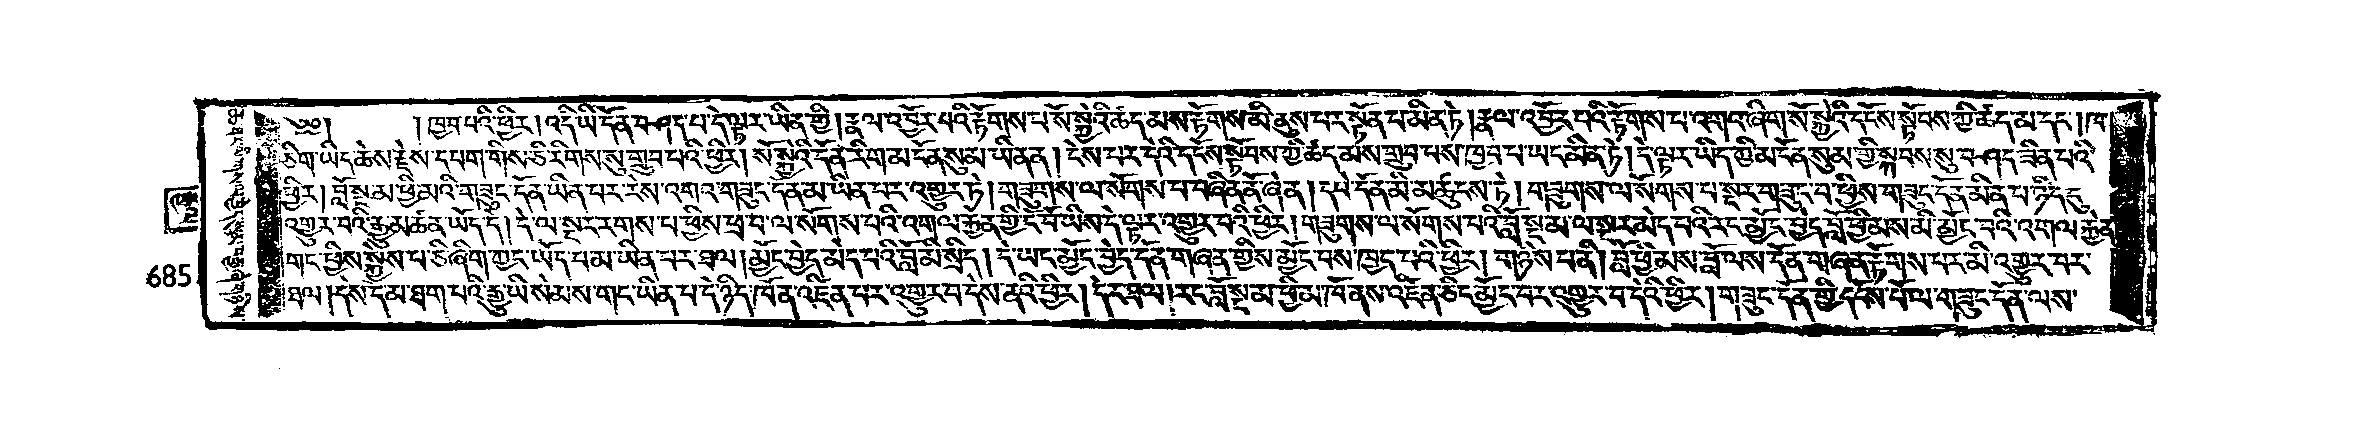༄༅། །ཁྱབ་པའི་ཕྱིར། འདི་ཡི་དོན་བཤད་པ་དེ་ལྟར་ཡིན་གྱི། རྣལ་འབྱོར་པའི་རྟོགས་པ་སོ་སྐྱེའི་ཚད་མས་རྟོགས་མི་ནུས་པར་སྟོན་པ་མིན་ཏེ། རྣལ་འབྱོར་པའི་རྟོགས་པ་འགའ་ཞིག་སོ་སྐྱེའི་དངོས་སྟོབས་ཀྱི་ཚད་མ་དང་། ཁ་
ཅིག་ཡིད་ཆེས་རྗེས་དཔག་གིས་ཅི་རིགས་སུ་གྲུབ་པའི་ཕྱིར། སོ་སྐྱེའི་དོན་རིག་མངོན་སུམ་ཡིན་ན། ངེས་པར་དེའི་དངོས་སྟོབས་ཀྱི་ཚད་མས་གྲུབ་པས་ཁྱབ་པ་ཡང་མིན་ཏེ། དེ་ལྟར་ཡིད་ཀྱི་མངོན་སུམ་གྱི་སྐབས་སུ་བཤད་ཟིན་པའི་
ཕྱིར། བློ་སྔ་མ་ཕྱི་མའི་གཟུང་དོན་ཡིན་པར་རེས་འགའ་གཟུང་དོན་མ་ཡིན་པར་འགྱུར་ཏེ། གཟུགས་ལ་སོགས་པ་བཞིན་ནོ་ཞེ་ན། དཔེ་དོན་མི་མཚུངས་ཏེ། གཟུགས་ལ་སོགས་པ་སྔར་གཟུང་བ་ཕྱིས་གཟུང་དོན་མིན་པ་ཉིད་དུ་
འགྱུར་བའི་རྒྱུ་མཚན་ཡོད་དེ། དེ་ལ་སྔར་རགས་པ་ཕྱིས་ཕྲ་བ་ལ་སོགས་པའི་འགལ་རྐྱེན་གྱི་ངོ་བོ་ཡིས་དེ་ལྟར་འགྱུར་བའི་ཕྱིར། གཟུགས་ལ་སོགས་པའི་བློ་སྔ་མ་ལ་སྔར་མེད་པའི་རང་མྱོང་བྱེད་བློ་ཕྱི་མས་མི་མྱོང་བའི་འགལ་རྐྱེན་
གང་ཕྱིས་སྐྱེས་པ་ཅི་ཞིག་ཀྱང་ཡོད་པ་མ་ཡིན་པར་ཐལ། མྱོང་བྱེད་མེད་པའི་བློ་མི་སྲིད། དེ་ཡང་མྱོང་བྱེད་དོན་གཞན་གྱིས་མྱོང་བས་ཁྱད་པའི་ཕྱིར། གཉིས་པ་ནི། བློ་ཕྱི་མས་བློ་ལས་དོན་གཞན་རྟོགས་པར་མི་འགྱུར་བར་
ཐལ། དེས་དེ་མ་ཐག་པའི་རྒྱུ་ཡི་སེམས་གང་ཡིན་པ་དེ་ཉིད་ཁོ་ན་འཛིན་པར་འགྱུར་བ་དེས་ནའི་ཕྱིར། དེར་ཐལ། རང་བློ་སྔ་མ་ཕྱི་མ་ཁོ་ནས་འཛིན་ཅིང་མྱོང་བར་འགྱུར་བ་དེའི་ཕྱིར། གཟུང་དོན་གྱི་དངོས་པོ་ལ་གཟུང་དོན་ལས་